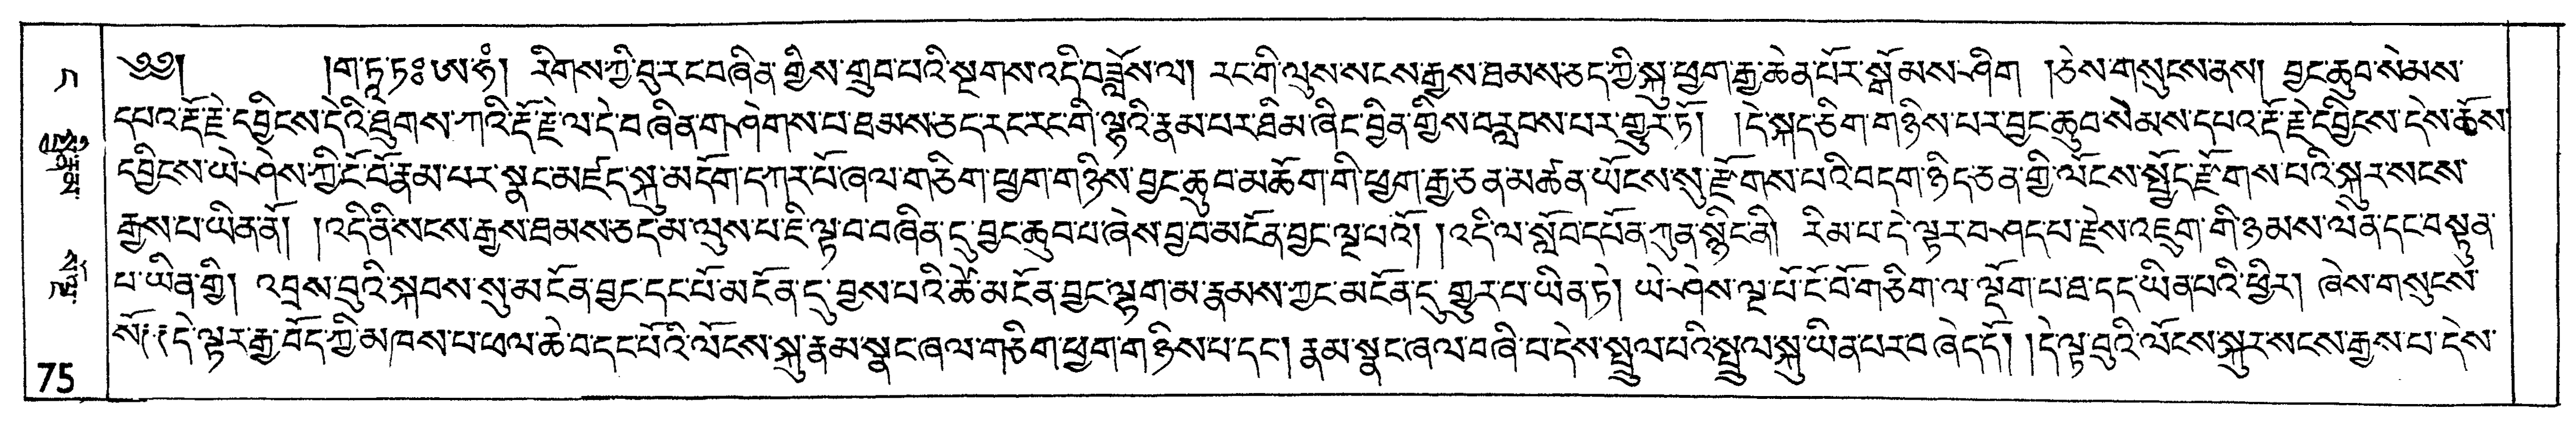༄༅། །ག་ཏཱ་ཏཿ ཨ་ཧཾ། རིགས་ཀྱི་བུ་རང་བཞིན་གྱིས་གྲུབ་པའི་སྔགས་འདི་བཟློས་ལ། རང་གི་ལུས་སངས་རྒྱས་ཐམས་ཅད་ཀྱི་སྐུ་ཕྱག་རྒྱ་ཆེན་པོར་སྒོམས་ཤིག །ཅེས་གསུངས་ནས། བྱང་ཆུབ་སེམས་
དཔའ་རྡོ་རྗེ་དབྱིངས་དེའི་ཐུགས་ཀའི་རྡོ་རྗེ་ལ་དེ་བཞིན་གཤེགས་པ་ཐམས་ཅད་རང་རང་གི་ལྷའི་རྣམ་པར་ཐིམ་ཞིང་བྱིན་གྱིས་བརླབས་པར་གྱུར་ཏོ། །དེ་སྐད་ཅིག་གཉིས་པར་བྱང་ཆུབ་སེམས་དཔའ་རྡོ་རྗེ་དབྱིངས་དེས་ཆོས་
དབྱིངས་ཡེ་ཤེས་ཀྱི་ངོ་བོ་རྣམ་པར་སྣང་མཛད་སྐུ་མདོག་དཀར་པོ་ཞལ་གཅིག་ཕྱག་གཉིས་བྱང་ཆུབ་མཆོག་གི་ཕྱག་རྒྱ་ཅན་མཚན་ཡོངས་སུ་རྫོགས་པའི་བདག་ཉིད་ཅན་གྱི་ལོངས་སྤྱོད་རྫོགས་པའི་སྐུར་སངས་
རྒྱས་པ་ཡིན་ནོ། །འདི་ནི་སངས་རྒྱས་ཐམས་ཅད་མ་ལུས་པ་ཇི་ལྟ་བ་བཞིན་དུ་བྱང་ཆུབ་པ་ཞེས་བྱ་བ་མངོན་བྱང་ལྔ་པའོ། །འདི་ལ་སློབ་དཔོན་ཀུན་སྙིང་ནི། རིམ་པ་དེ་ལྟར་བཤད་པ་རྗེས་འཇུག་གི་ཉམས་ལེན་དང་བསྟུན་
པ་ཡིན་གྱི། འབྲས་བུའི་སྐབས་སུ་མངོན་བྱང་དང་པོ་མངོན་དུ་བྱས་པའི་ཚེ་མངོན་བྱང་ལྷག་མ་རྣམས་ཀྱང་མངོན་དུ་གྱུར་པ་ཡིན་ཏེ། ཡེ་ཤེས་ལྔ་པོ་ངོ་བོ་གཅིག་ལ་ལྡོག་པ་ཐ་དད་ཡིན་པའི་ཕྱིར། ཞེས་གསུངས་
སོ། །དེ་ལྟར་རྒྱ་བོད་ཀྱི་མཁས་པ་ཕལ་ཆེ་བ་དང་པོའི་ལོངས་སྐུ་རྣམ་སྣང་ཞལ་གཅིག་ཕྱག་གཉིས་པ་དང་། རྣམ་སྣང་ཞལ་བཞི་པ་དེས་སྤྲུལ་པའི་སྤྲུལ་སྐུ་ཡིན་པར་བཞེད་དོ། །དེ་ལྟ་བུའི་ལོངས་སྐུར་སངས་རྒྱས་པ་དེས་